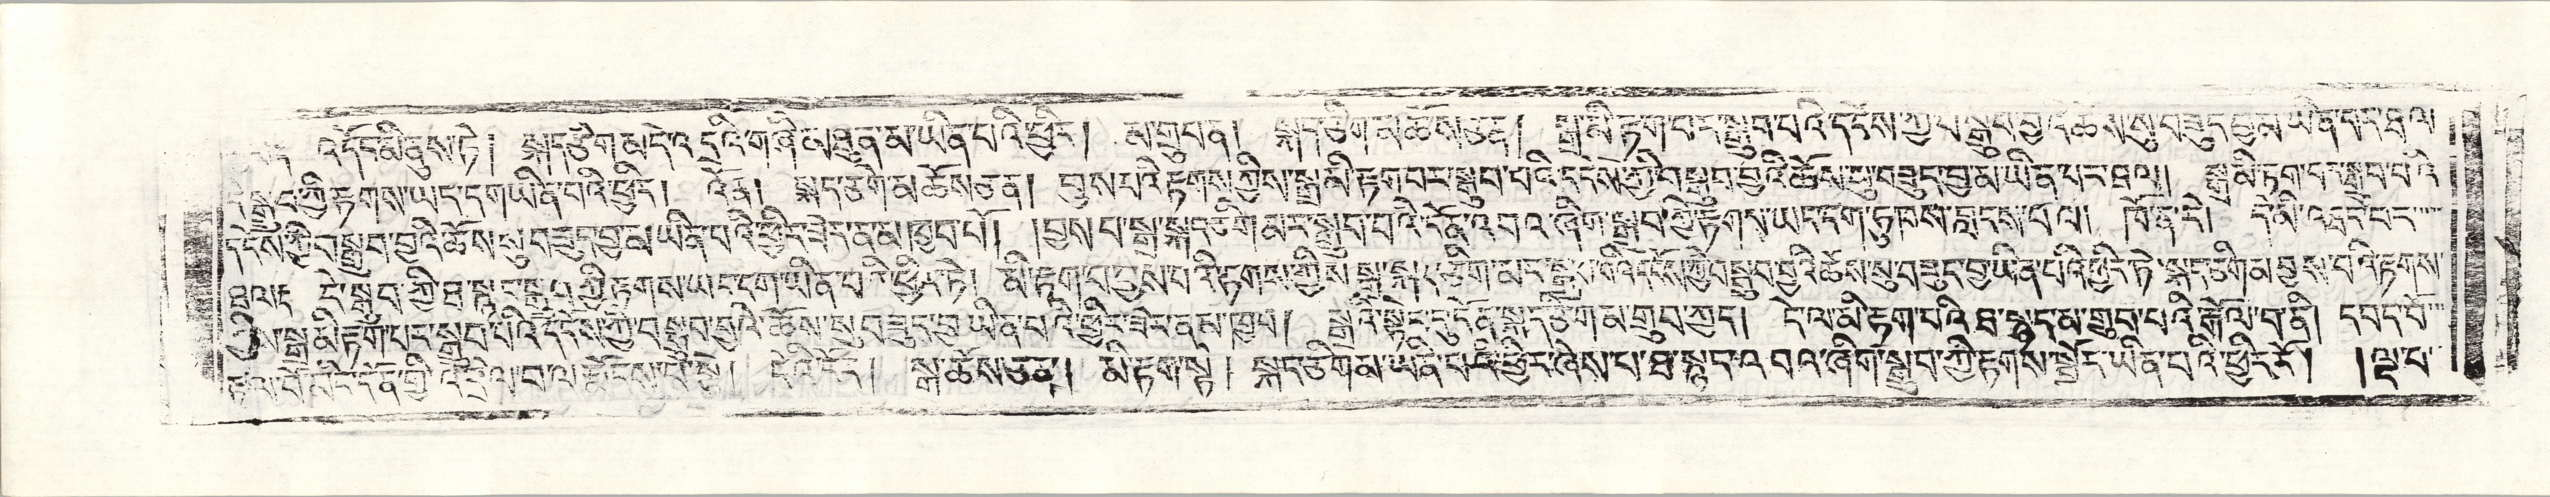ཁྱབ། འདོད་མི་ནུས་ཏེ། སྐད་ཅིག་མ་དེ་འདྲའི་གཞི་མཐུན་མ་ཡིན་པའི་ཕྱིར། མ་གྲུབ་ན། སྐད་ཅིག་མ་ཆོས་ཅན། སྒྲ་མི་རྟག་པར་སྒྲུབ་པའི་དངོས་ཀྱི་བསྒྲུབ་བྱའི་ཆོས་སུ་བཟུང་བྱ་མ་ཡིན་པར་ཐལ།
དེ་སྒྲུབ་ཀྱི་རྟགས་ཡང་དག་ཡིན་པའི་ཕྱིར། འོ་ན། སྐད་ཅིག་མ་ཆོས་ཅན། བྱས་པའི་རྟགས་ཀྱིས་སྒྲ་མི་རྟག་པར་སྒྲུབ་པའི་དངོས་ཀྱི་བསྒྲུབ་བྱའི་ཆོས་སུ་བཟུང་བྱ་མ་ཡིན་པར་ཐལ། སྒྲ་མི་རྟག་པར་སྒྲུབ་པའི་
དངོས་ཀྱི་བསྒྲུབ་བྱའི་ཆོས་སུ་བཟུང་བྱ་མ་ཡིན་པའི་ཕྱིར་ཟེར་ན་མ་ཁྱབ་པོ། །བྱས་པ་སྒྲ་སྐད་ཅིག་མར་སྒྲུབ་པའི་དོན་འབའ་ཞིག་སྒྲུབ་ཀྱི་རྟགས་ཡང་དག་ཏུ་ཁས་བླངས་པ་ལ། ཁོ་ན་རེ། དེ་མི་འཐད་པར་
ཐལ། དེ་སྒྲུབ་ཀྱི་ཐ་སྙད་སྒྲུབ་ཀྱི་རྟགས་ཡང་དག་ཡིན་པའི་ཕྱིར་ཏེ། མི་རྟག་པ་བྱས་པའི་རྟགས་ཀྱིས་སྒྲ་སྐད་ཅིག་མར་སྒྲུབ་པའི་དངོས་ཀྱི་བསྒྲུབ་བྱའི་ཆོས་སུ་བཟུང་བྱ་ཡིན་པའི་ཕྱིར་ཏེ། སྐད་ཅིག་མ་བྱས་པའི་རྟགས་
ཀྱིས་སྒྲ་མི་རྟག་པར་སྒྲུབ་པའི་དངོས་ཀྱི་བསྒྲུབ་བྱའི་ཆོས་སུ་བཟུང་བྱ་ཡིན་པའི་ཕྱིར་ཟེར་ན་མ་ཁྱབ། སྒྲའི་སྟེང་དུ་དོན་སྐད་ཅིག་མ་གྲུབ་ཀྱང་། དེ་ལ་མི་རྟག་པའི་ཐ་སྙད་མ་གྲུབ་པའི་རྒོལ་བ་ནི། དབང་བོ་
རྟུལ་བོ་མིང་དོན་གྱི་འབྲེལ་བ་ལ་རྨོངས་པ་སྟེ། དེའི་ངོར། སྒྲ་ཆོས་ཅན། མི་རྟག་སྟེ། སྐད་ཅིག་མ་ཡིན་པའི་ཕྱིར་ཞེས་པ་ཐ་སྙད་འབའ་ཞིག་སྒྲུབ་ཀྱི་རྟགས་སྦྱོར་ཡིན་པའི་ཕྱིར་རོ། །ལྔ་བ་